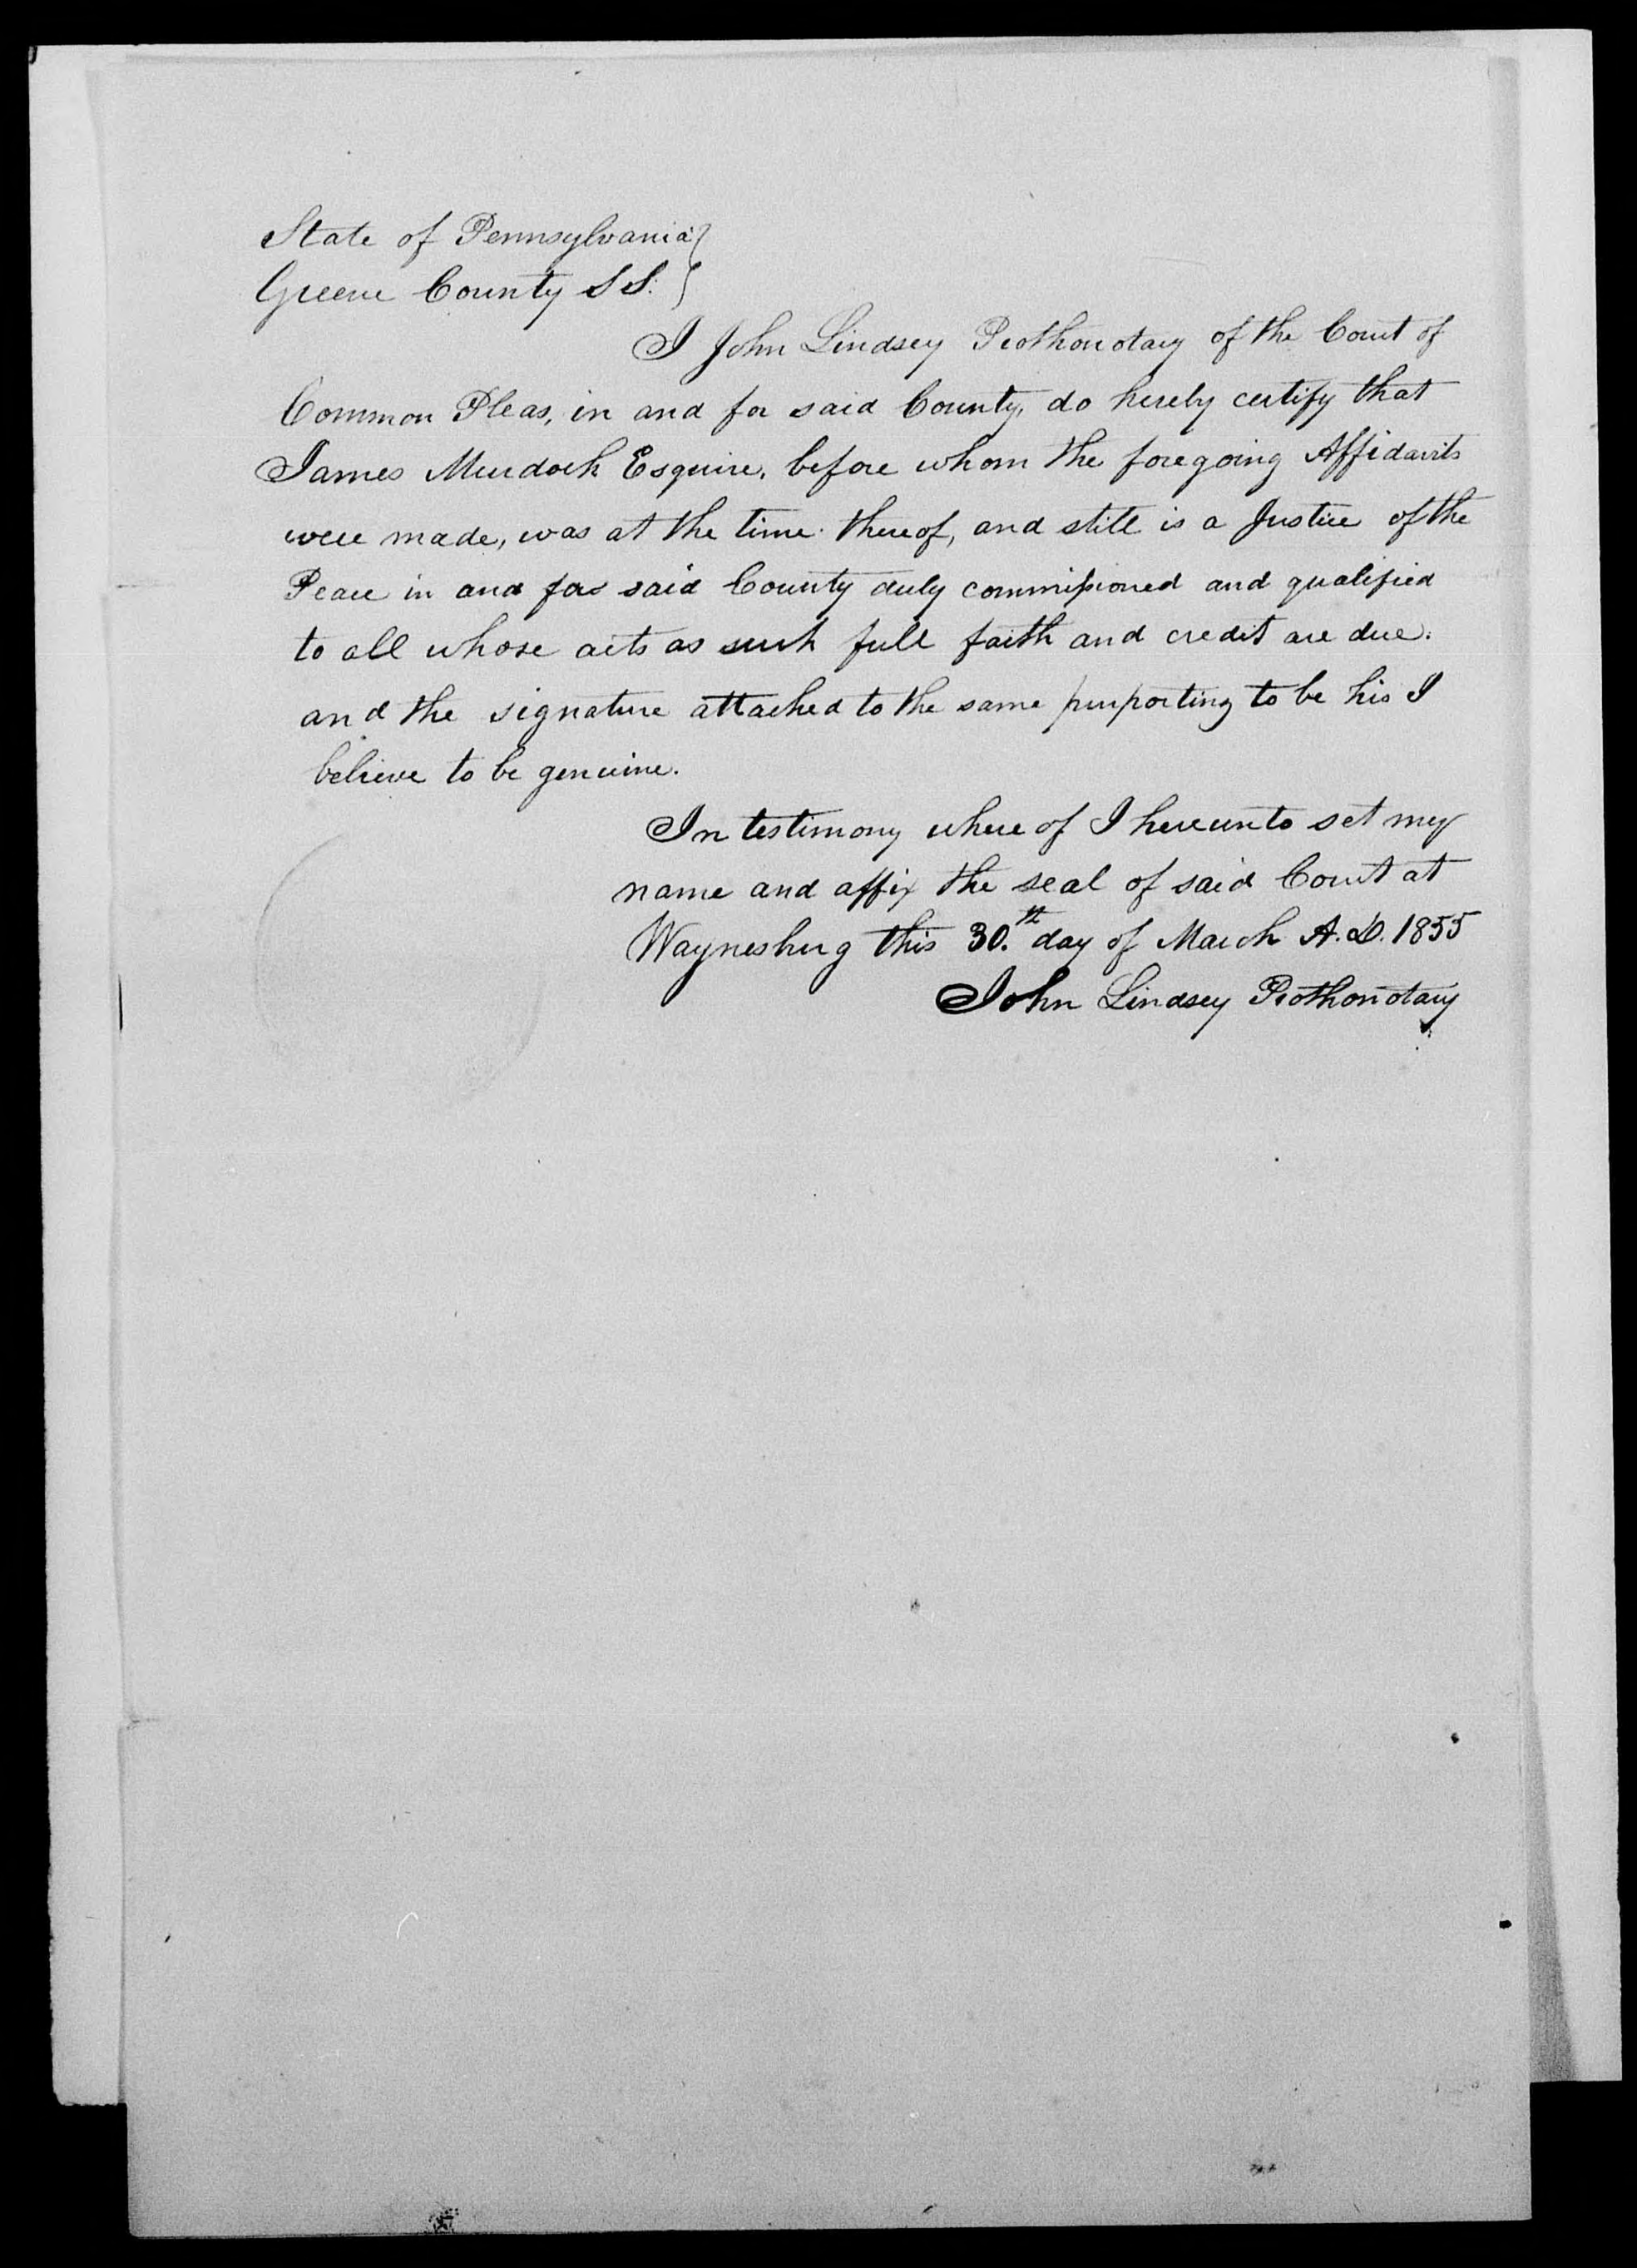State of Pennsylvania
Greene County SS:

I John Lindsey Peothouotary of the Court of Common Pleas, in and for said County, do hereby certify that James Murdock Esquire, before whom the foregoing Affidavits were made, was at the time thereof, and still is a Justice of the Peace in and for said County duly commissioned and qualified to all whose acts as such full faith and credit are due, and the signature attached tot he same purporting to be his I believe to be genuine. 
In testimony where of I hereunto set my name and affix the seal of said Court at Waynesburg this 30th day of March A. D. 1855
John Lindsey Prothondary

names: John Lindsey, James Murdock, John Lindsey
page: 68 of 81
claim: survivor's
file: S. 1908, Richard Harper, N.C.